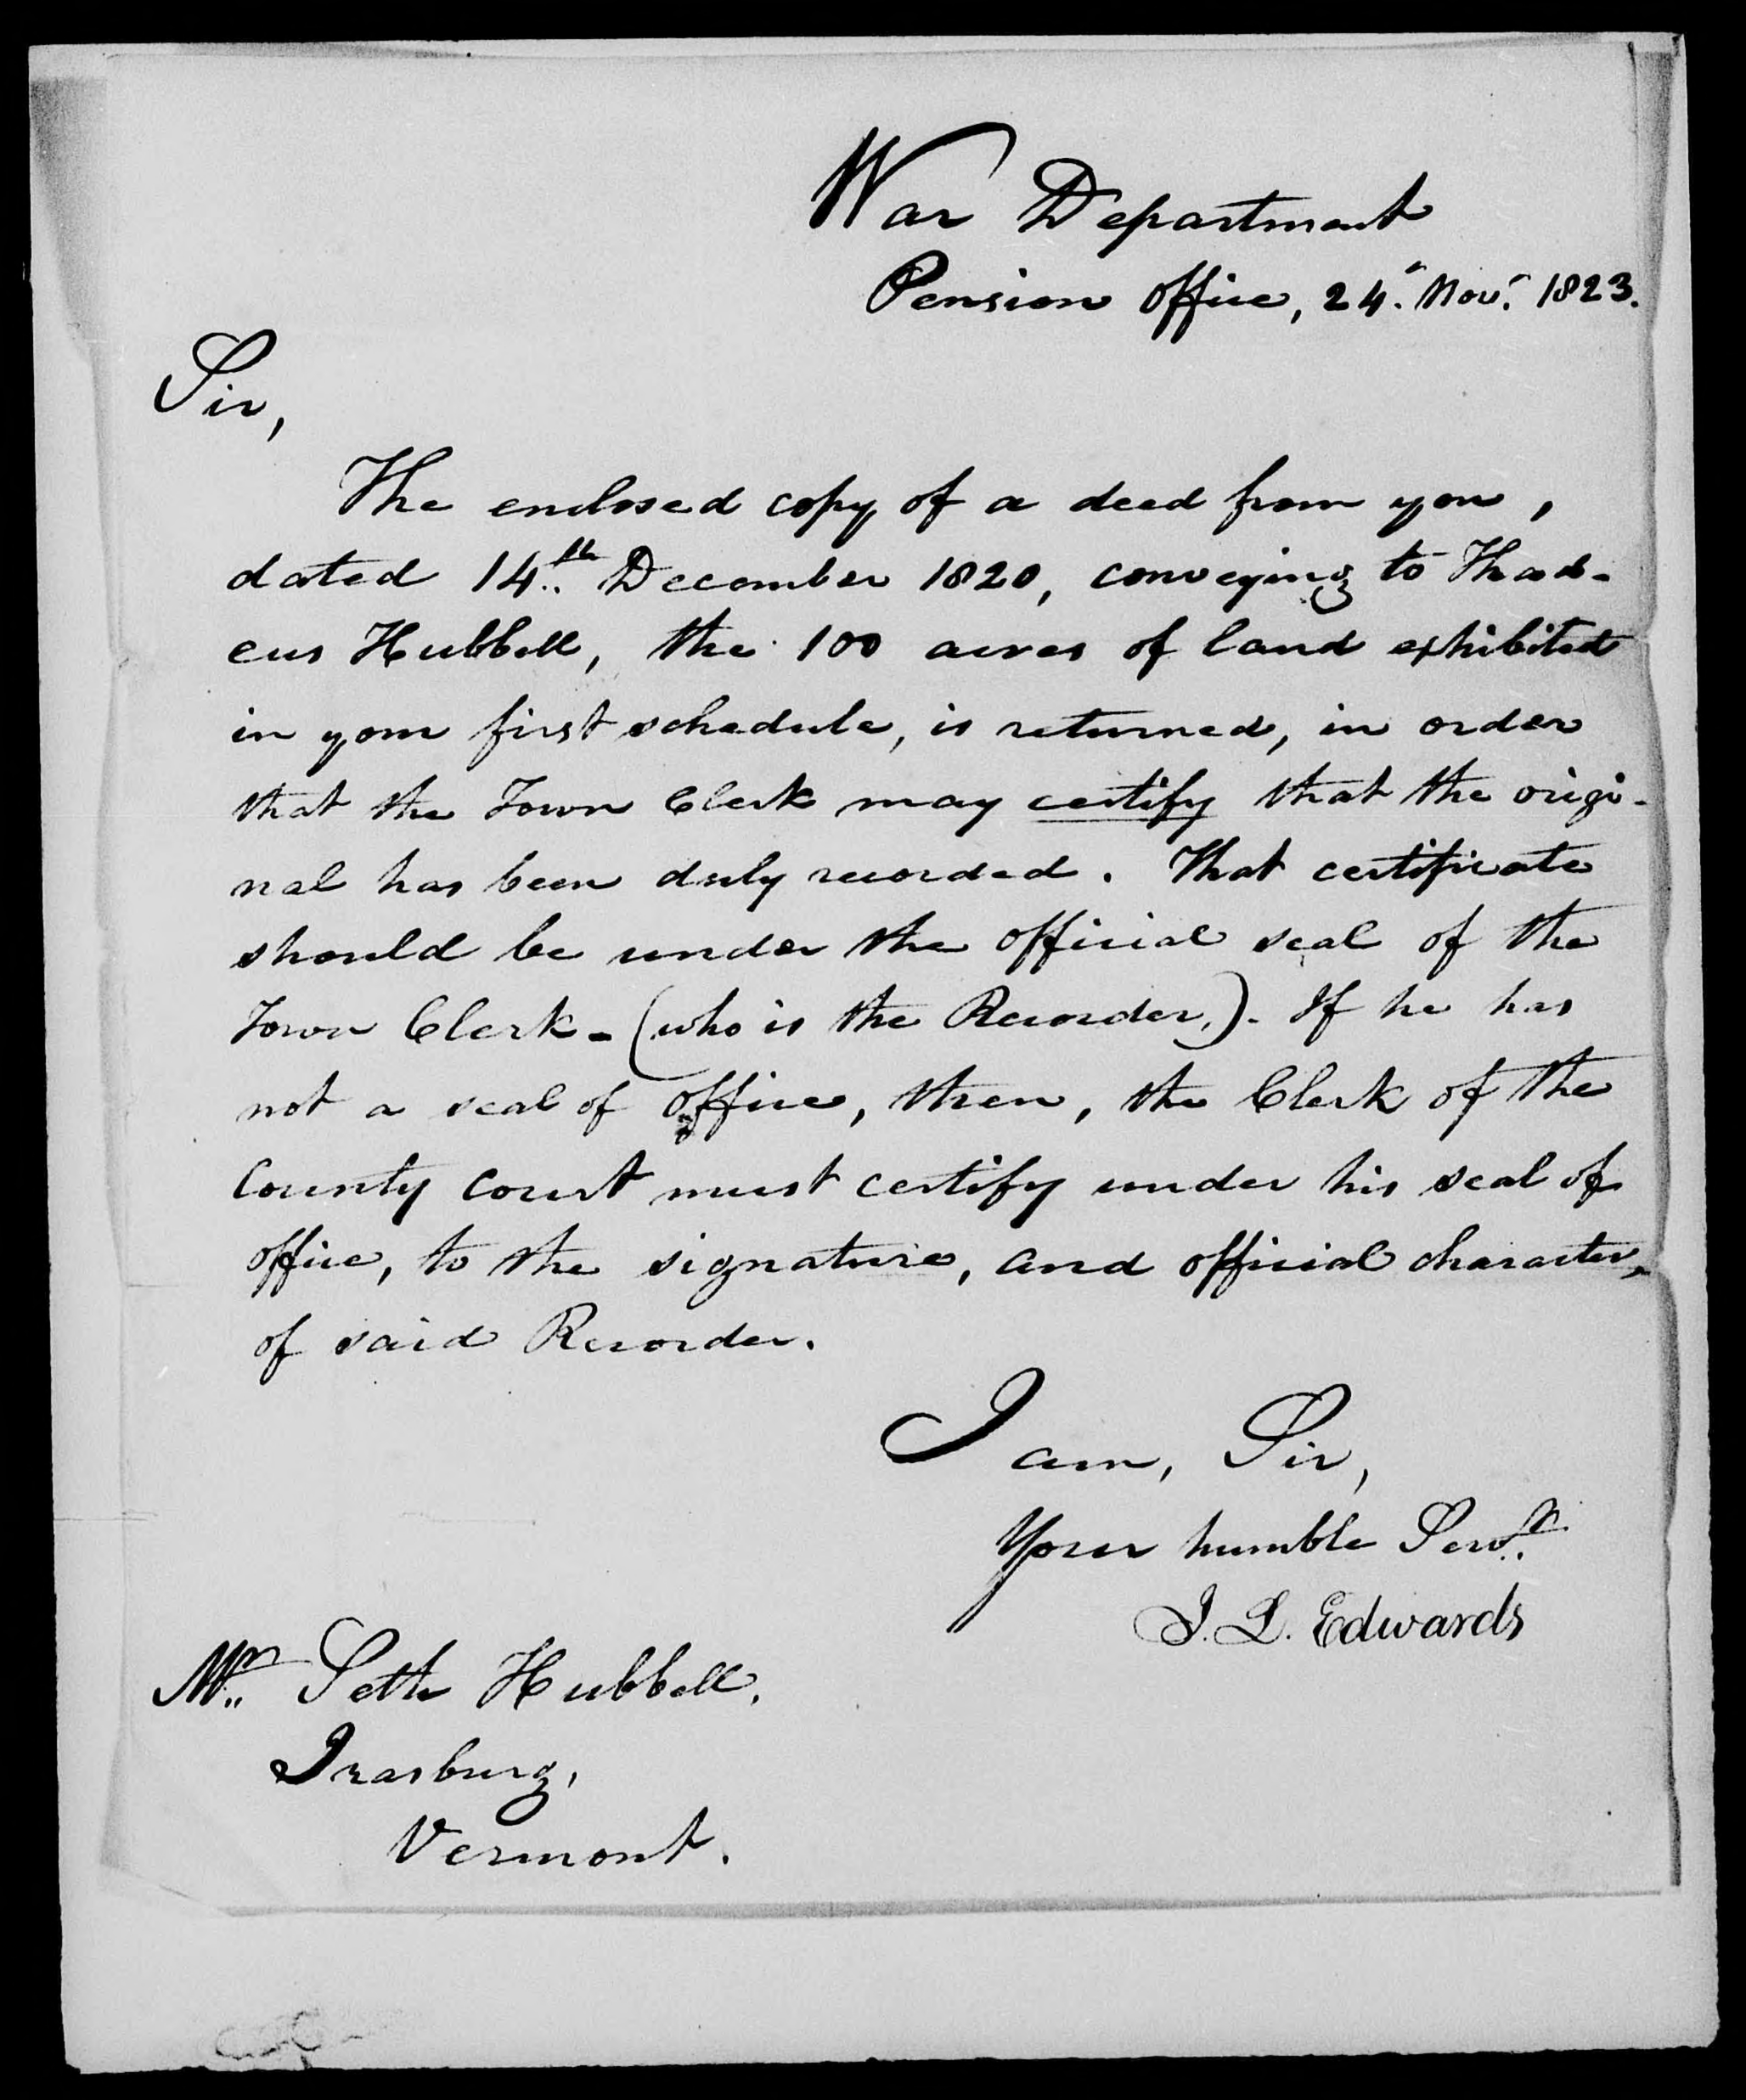War Department
Pension Office, 24. Nov. 1823

Sir,
The enclosed copy of a deed from you, dated 14th December 1820, conveying to Thaddeus Hubbell, the 100 acres of land exhibited in your first schedule, is returned, in order that the Town Clerk may certify that the original has been duly recorded. That certificate should be under the official seal of the Town Clerk (who is the Recorder). If he has not a seal of office, then, the Clerk of the County Court must certify under his seal of office, to the signatures, and official character of said Recorder.

I am, Sir,
Your humble servant,
J.L. Edwards

Mr. Seth Hubbell,
Irasburg, 
Vermont.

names: J L Edwards, Seth Hubbell, Thadeus Hubbell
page: 70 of 114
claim: widow's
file: W. 2115, Seth Hubbell, Conn.